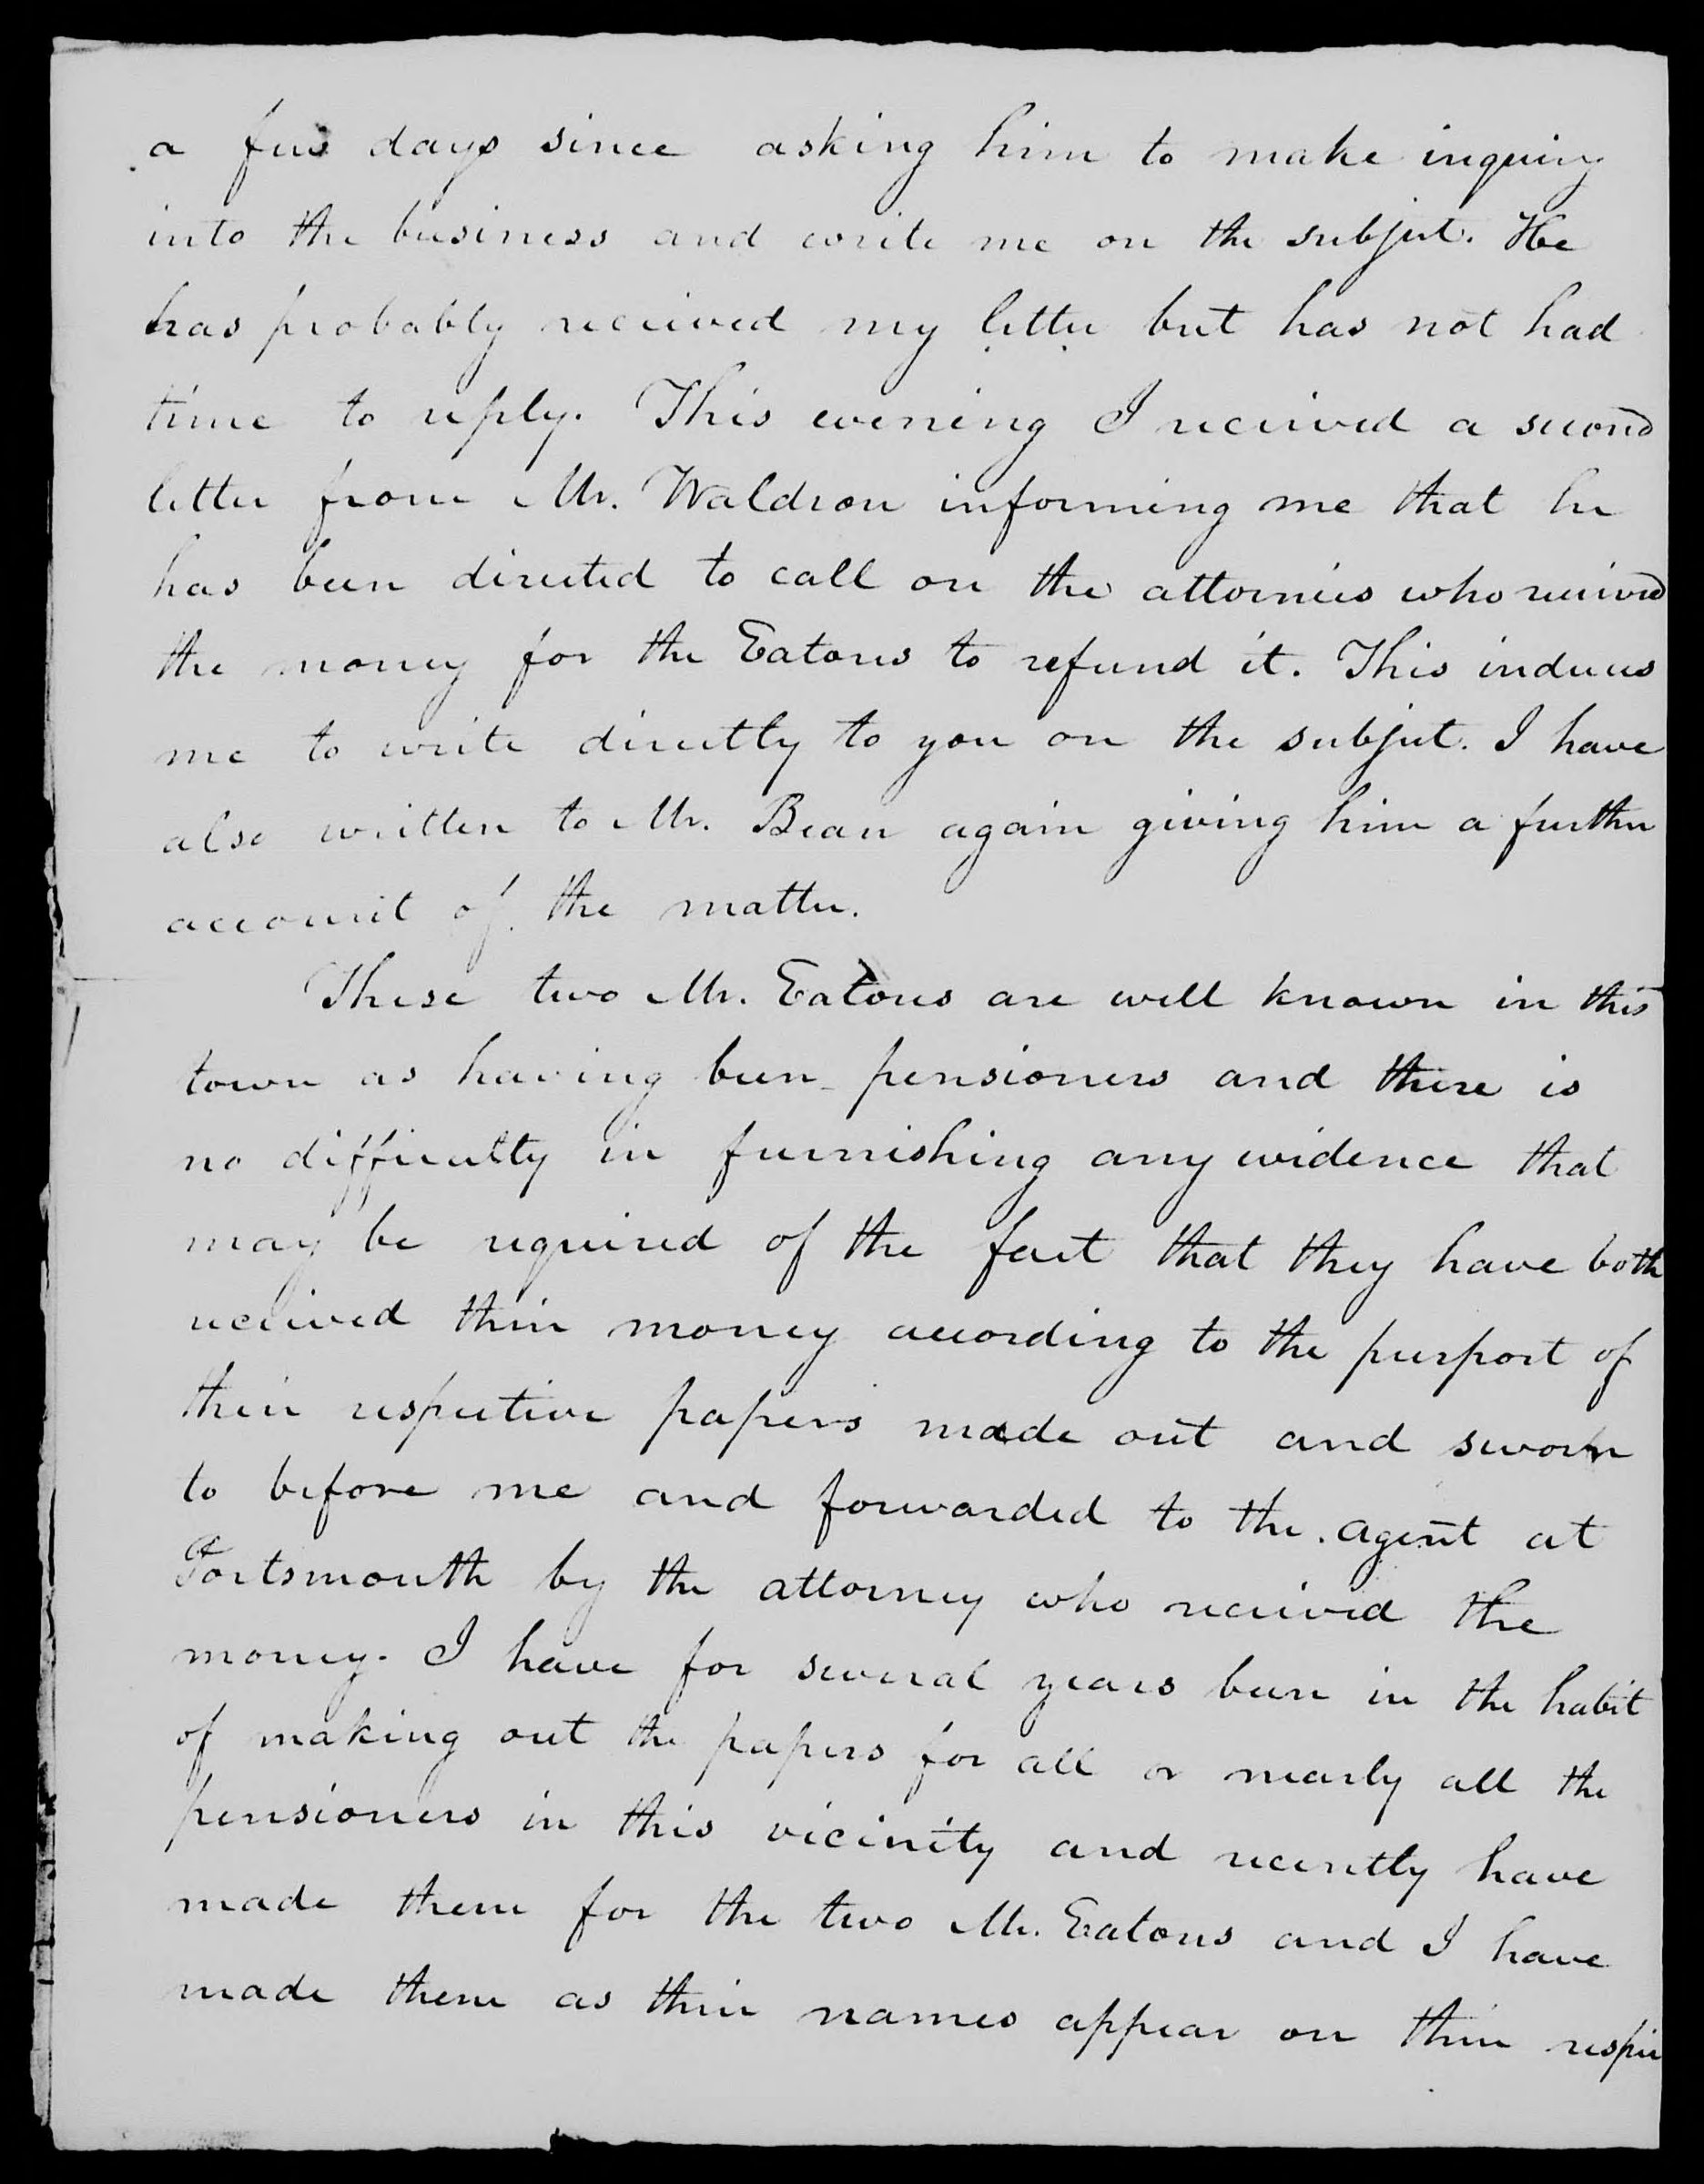a few days since asking him to make inquiry into the business and write me on the subject. He has probably received my letter but has not had time to reply. This evening I received a second letter from Mr. Waldron informing me that he has been directed to call on the attornies who received the money for the Eatons to refund it. This induced me to write directly to you on the subject. I have also written to Mr. Bean again giving him a further account of the matter 

These two Mr. Eatons are well known in this town as having been pensioners and there is no difficulty in furnishing any evidence that may be required of the fact that they have both received their money according to the purport of then respective papers made out and sworn to before me and forwarded to the agent at Portsmouth by the attorney who received the money. I have for several years been in the habit of making out the papers for all or nearly all the pensioners in this vicinity and recently have made them for the two Mr. Eatons and I have made them as the names appear on their resp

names: Eaton, Eaton, Bean, Eaton, Waldron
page: 17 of 21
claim: survivor's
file: S. 16374, William Eaton, Continental Mass. N.H.